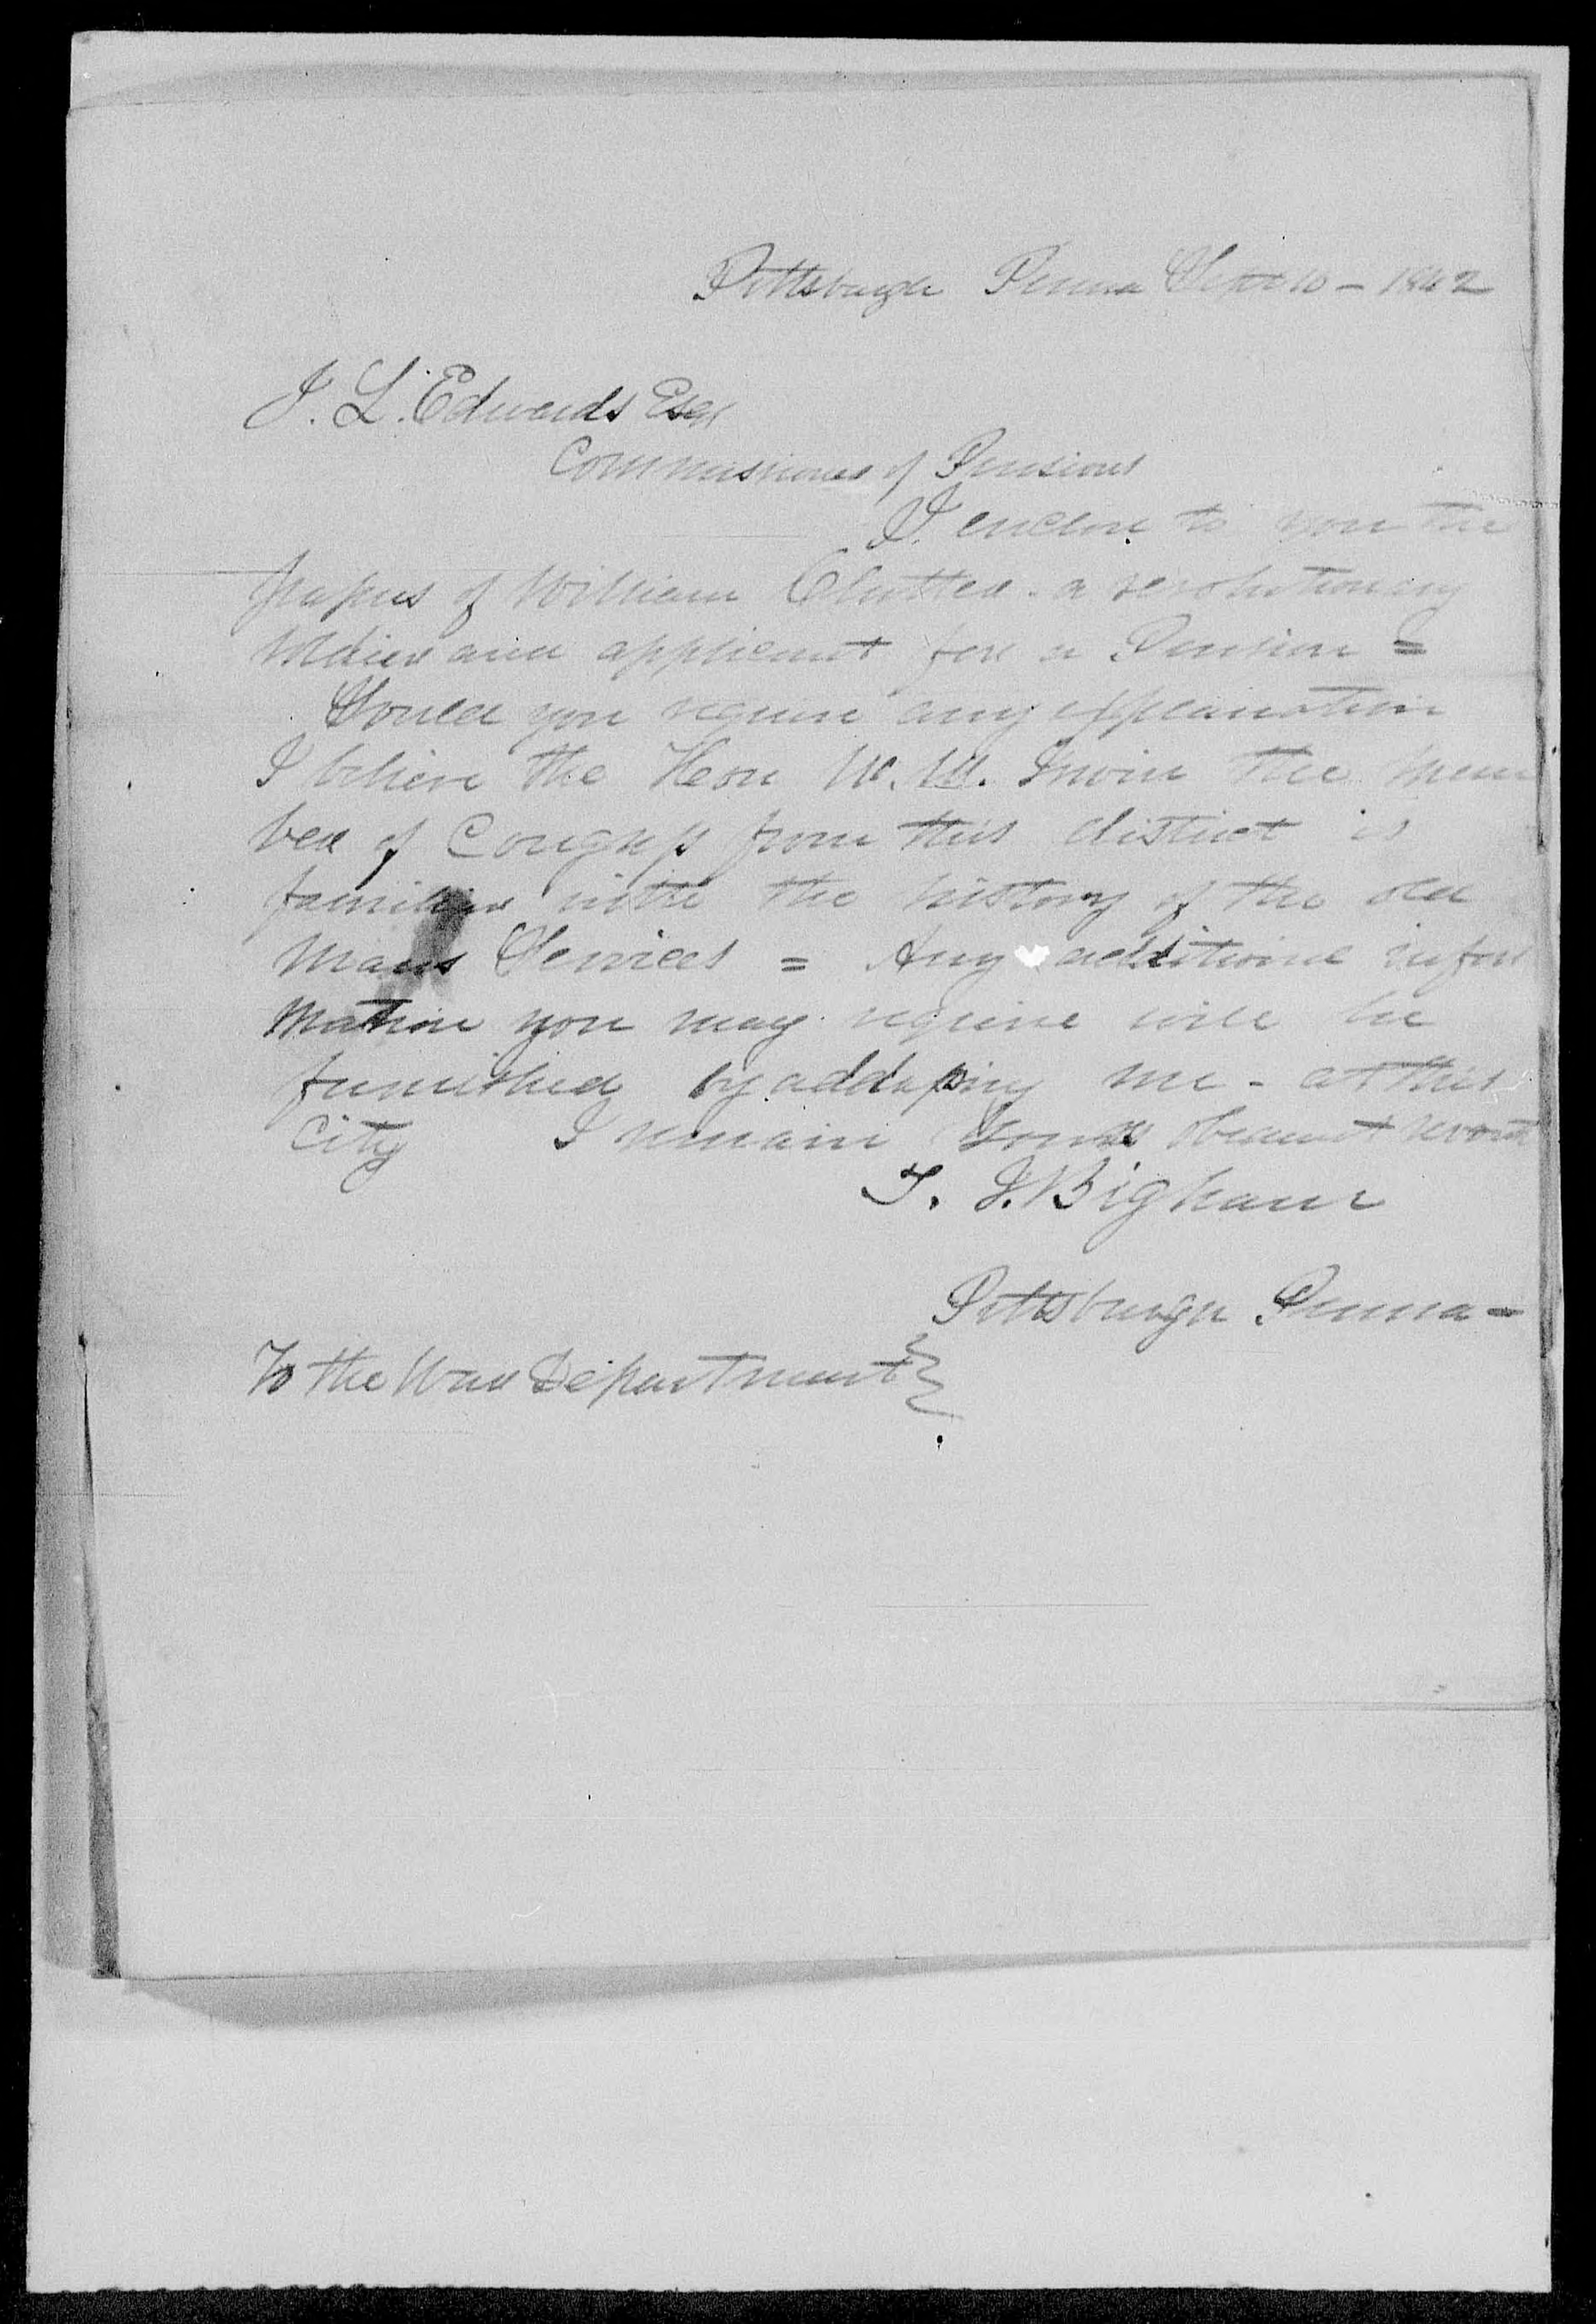Pittsburgh Penn Sept 10 1842

J.L. Edwards Esq.
Commissioner of Pensions
I enclose to you the papers of William Clutter, a revolutionary soldier and applicant for a pension. 
Should you require any explanation I believe the Hon W.W. Irwin, the member of Congress from this district is familiar with the history of the old man's services.  Any additional information you may require will be furnished by addressing me at this city.  I remain your obedient service.
T. J. Bigham
Pittsburgh, Penna

To the War Department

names: J L Edwards, W M Irwin, T J Bigham, William Clutter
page: 19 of 35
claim: rejected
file: R. 2066, William Clutter, New Jersey